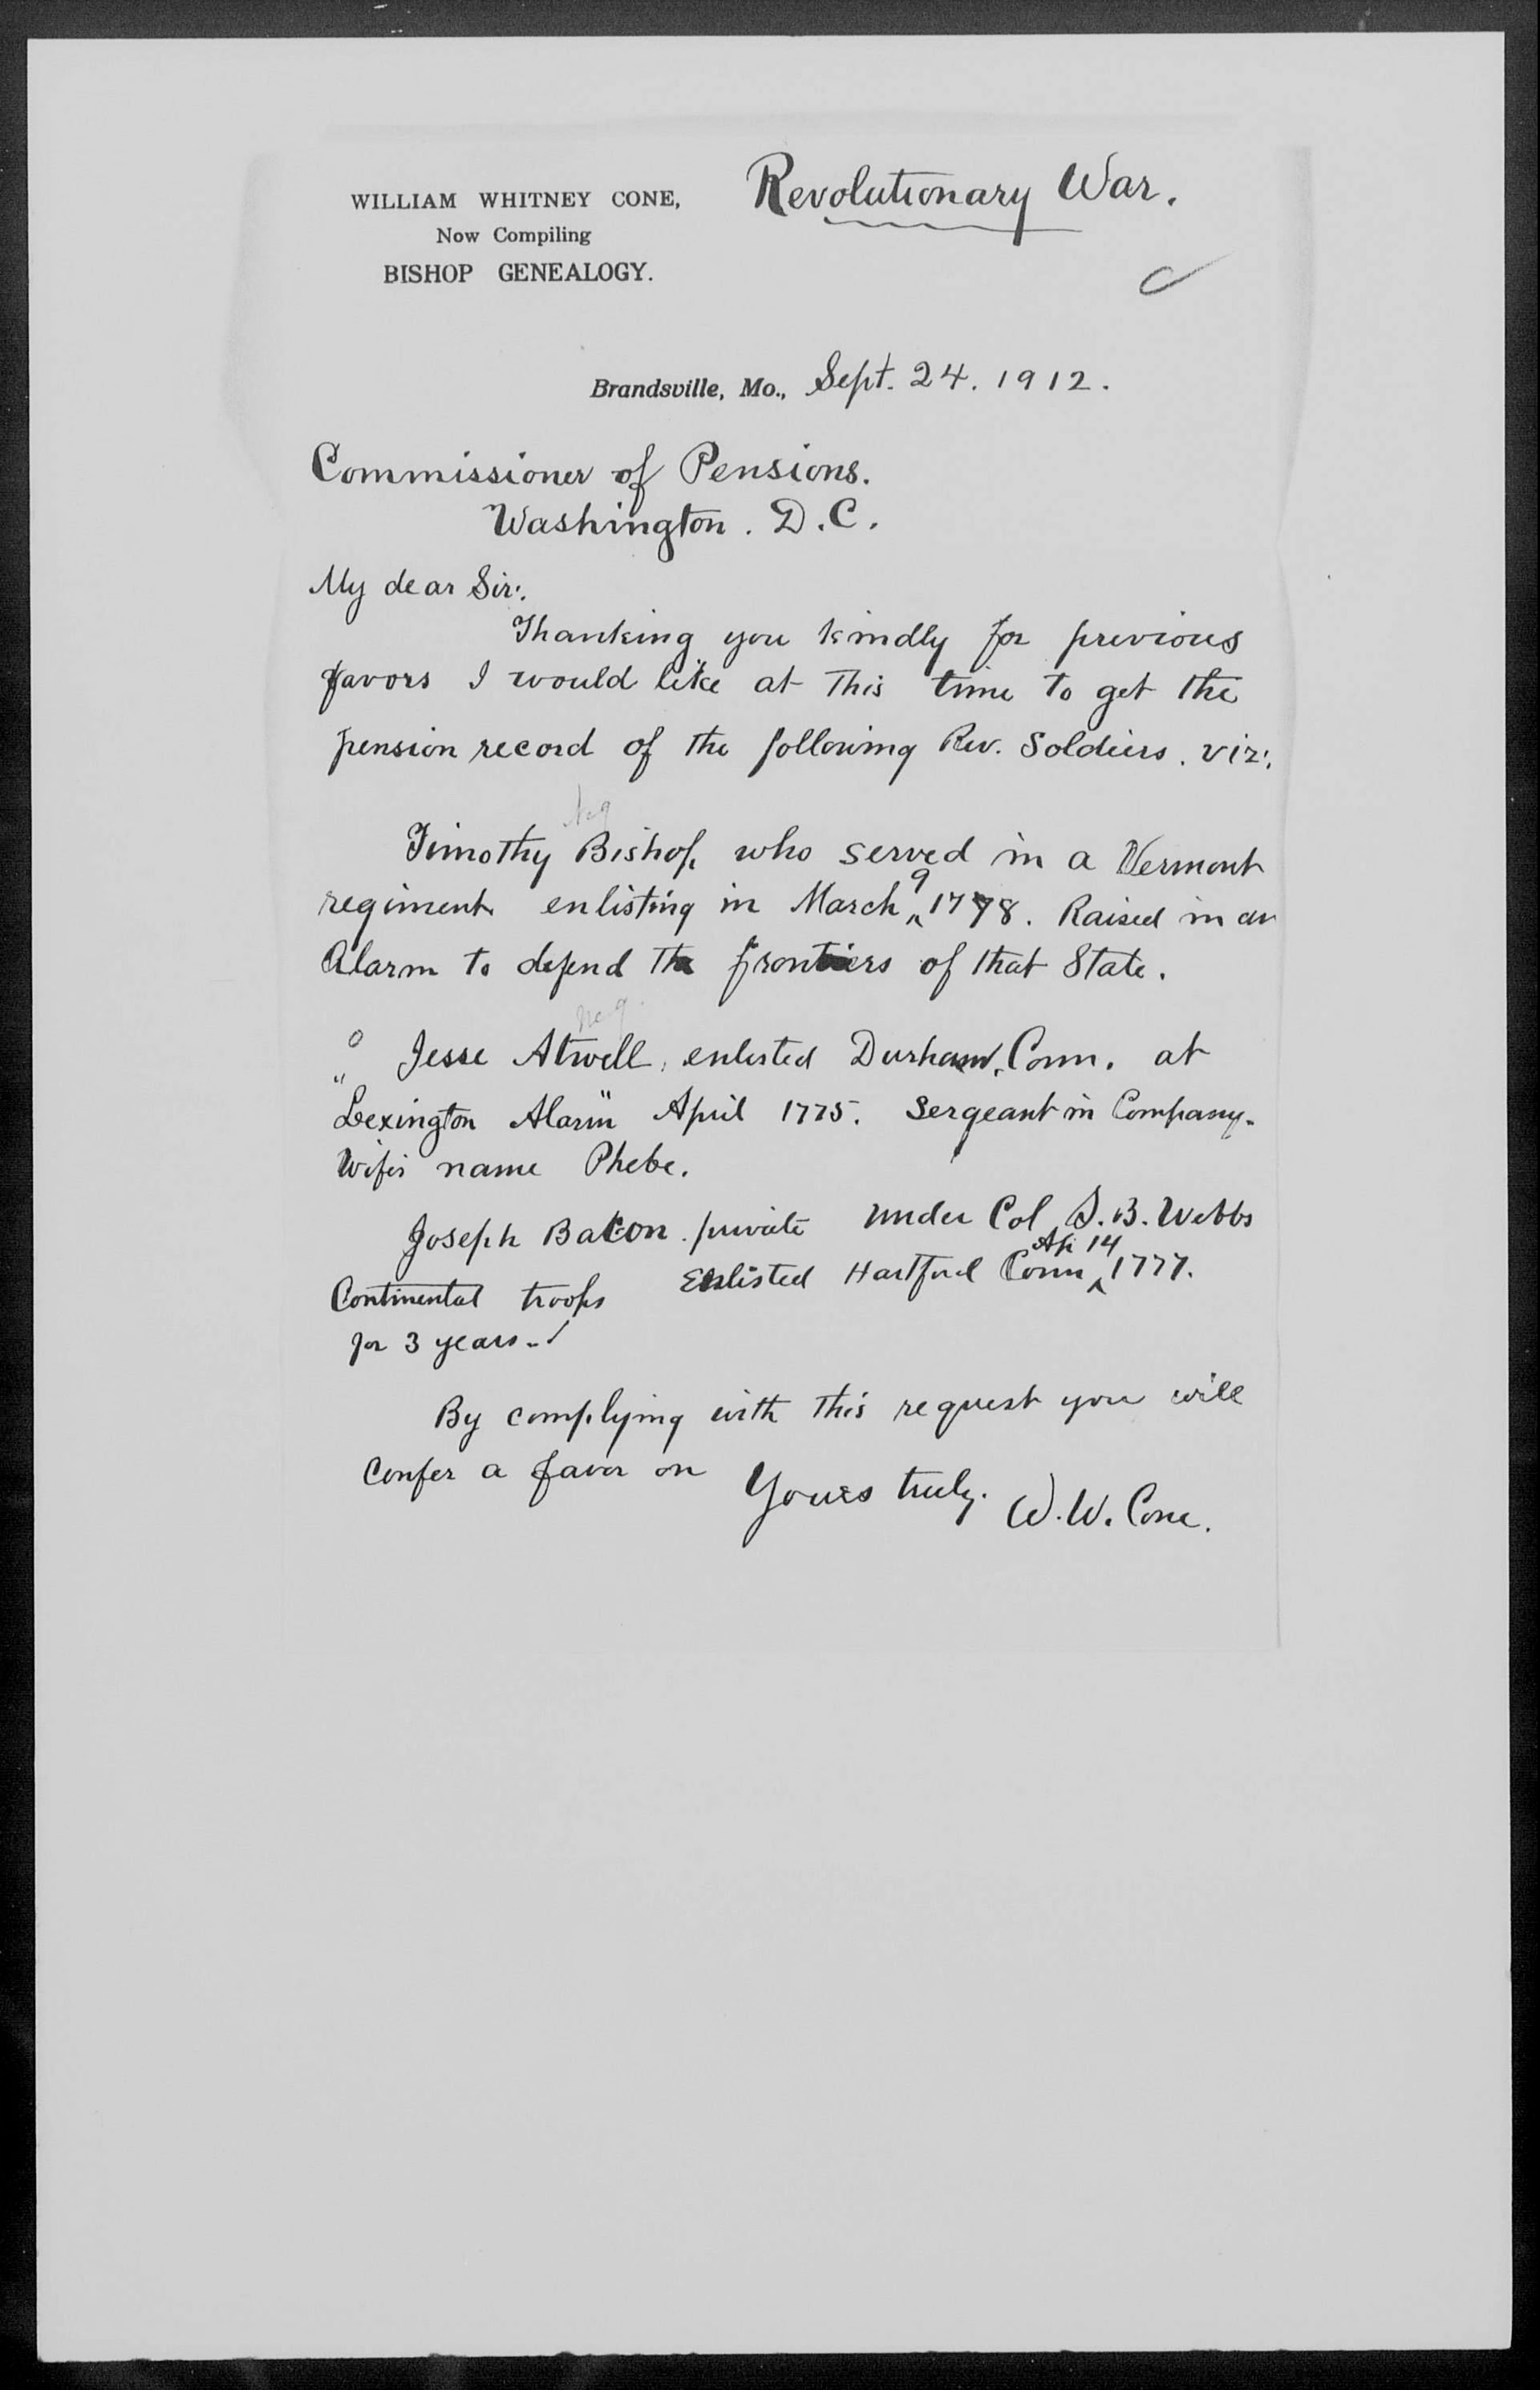Revolutionary War. 

WILLIAM WHITNEY CONE,  
Now Compiling
BISHOP GENEALOGY. 

Brandsville, Mo., Sept. 24, 1912

Commissioner of Pensions. 
Washington.  D. C. 

My dear Sir:

Thanking you kindly for previous favors I would like at this time to get the pension record of the following Rev. Soldiers, viz (as follows):

Timothy Bishop, who served in a Vermont regiment enlisting in March 9, 1778. Raised in an Alarm to defend the frontiers of that State. 

Jesse Atwell, enlisted Durham, Conn. at "Lexington Alarm" April 1775. Sergeant in Company. Wife's name Phebe.  

Joseph Bacon, private under Col. S. B. Webb's Continental troops. Enlisted Hartford Conn. April 14, 1777 for 3 years. 

By complying with this request you will confer a favor on 

Yours truly, 
W. W. Cone.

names: Jesse Atwell, Joseph Bacon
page: 24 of 24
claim: widow's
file: W. 25190, Joseph Bacon, Continental (Conn)